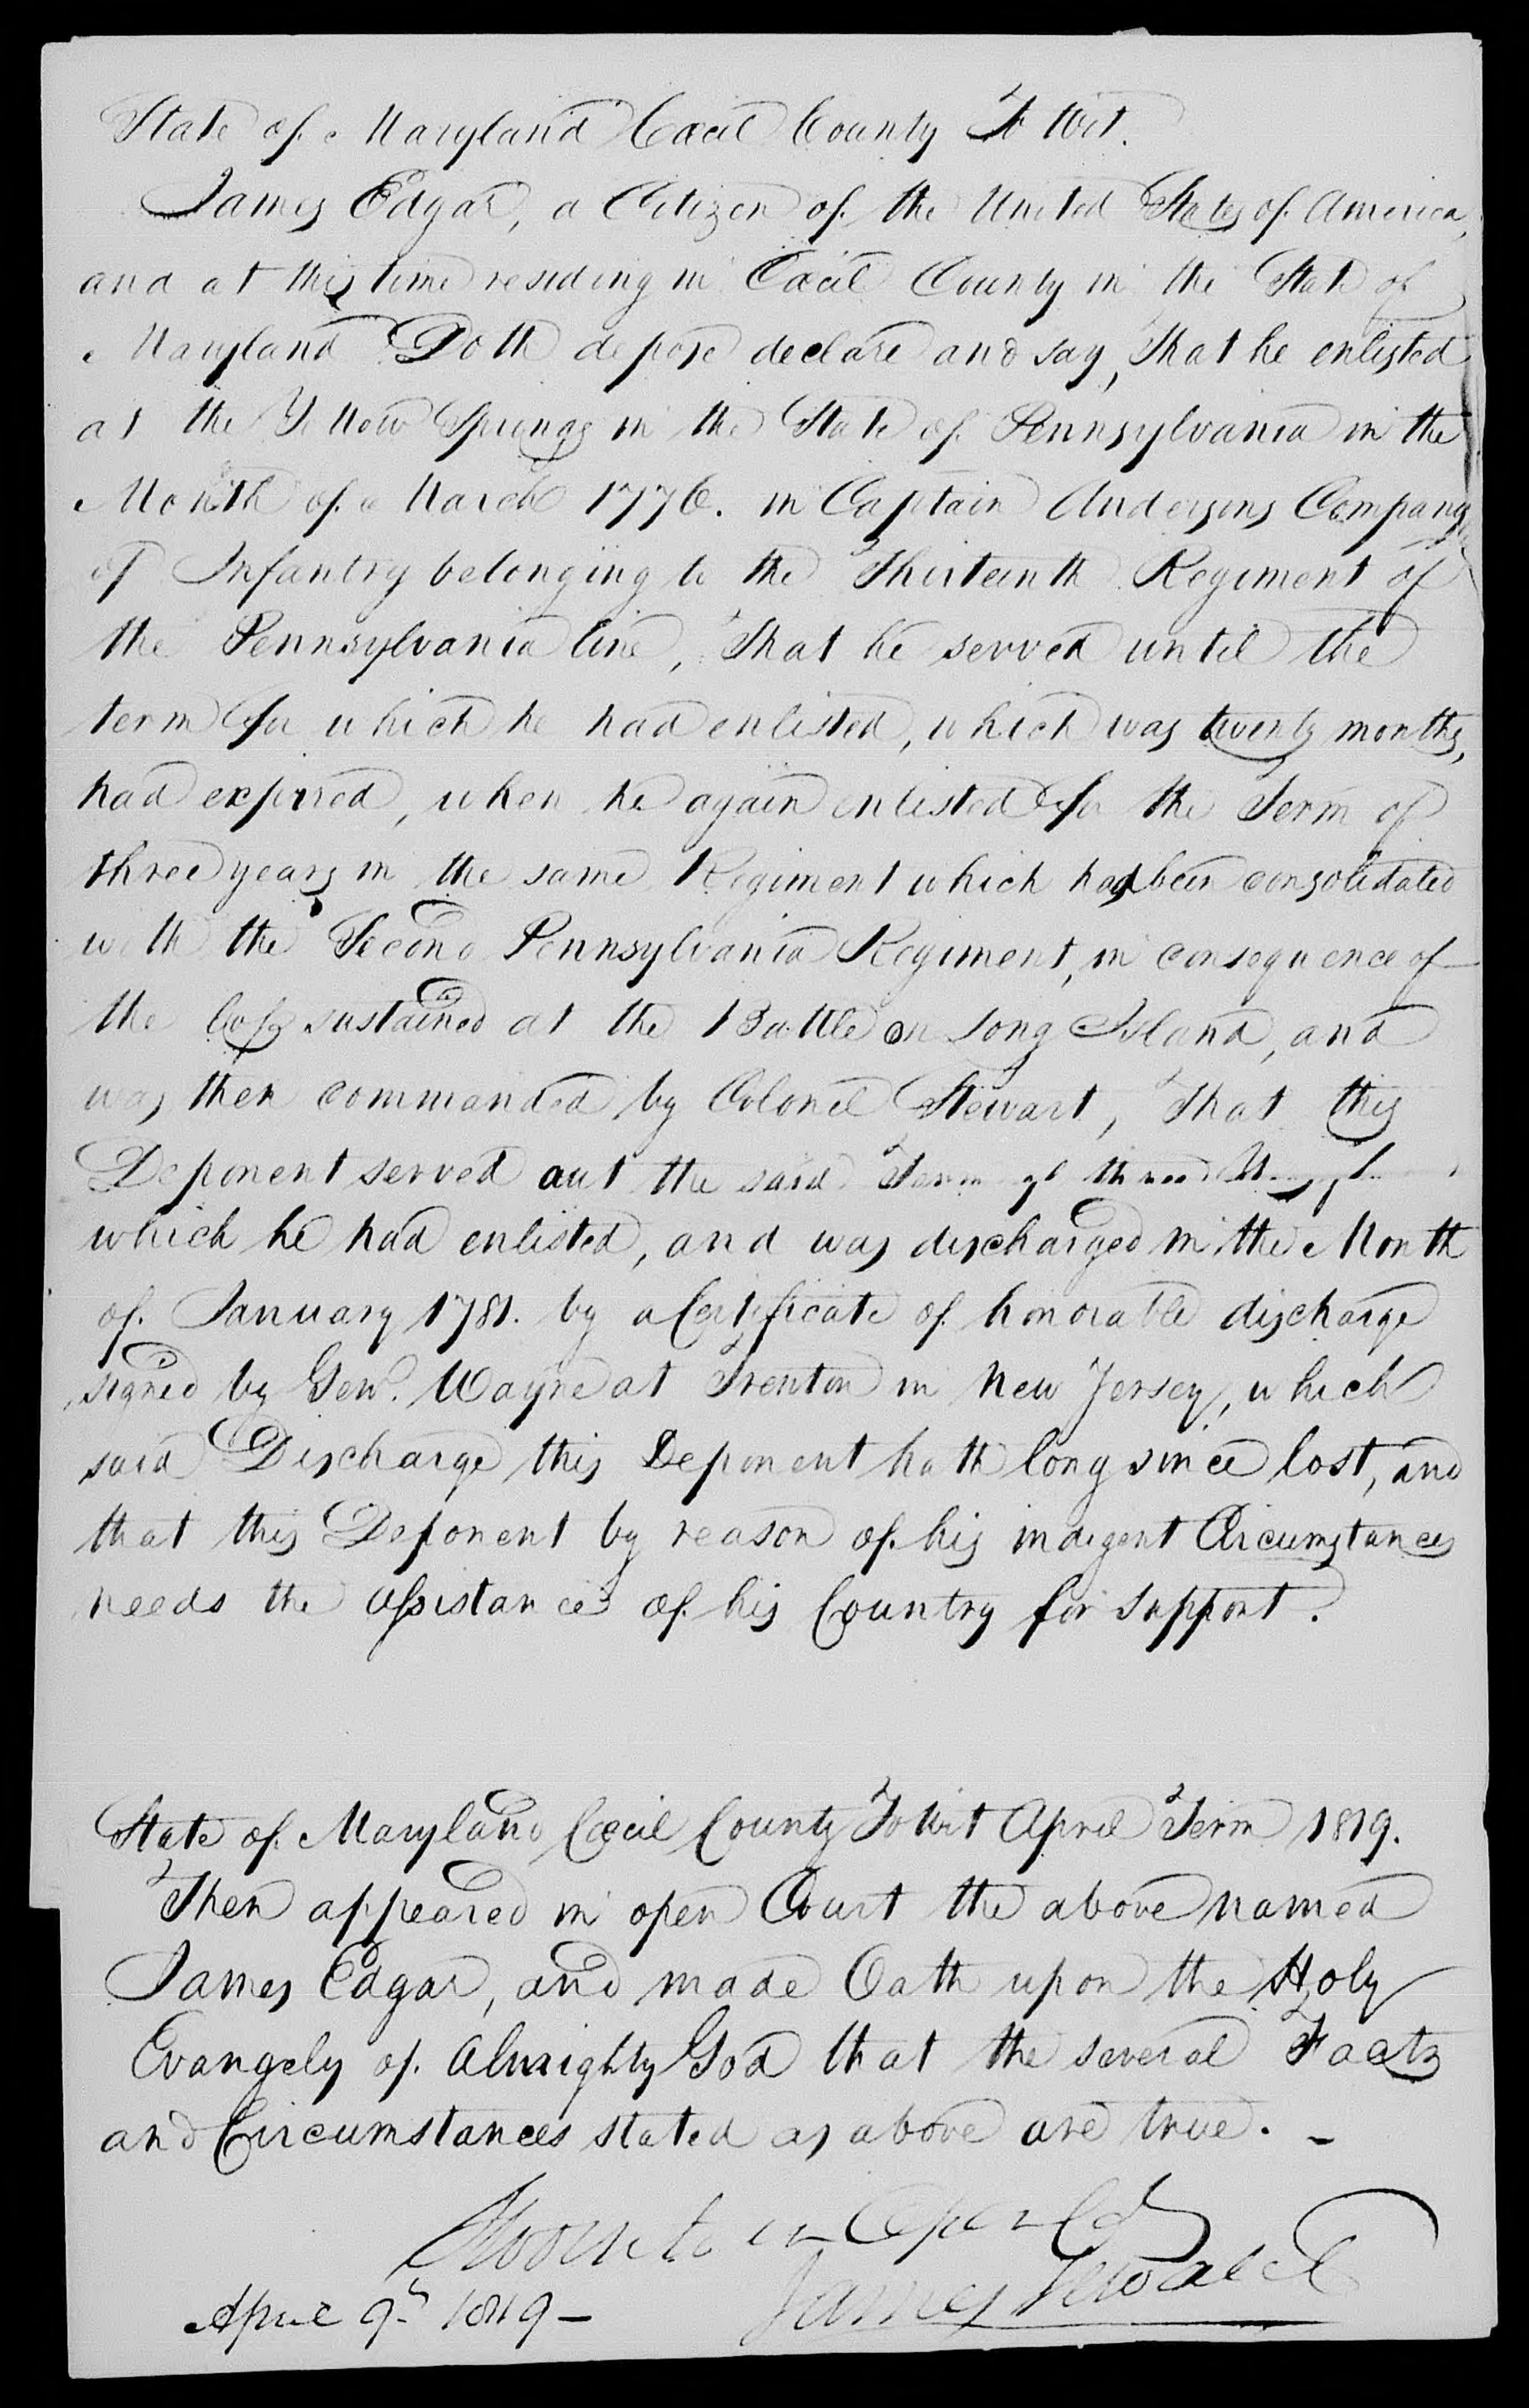State of Maryland Cecil County to wit
---
James Edgar a Citizen of the United States of America
and at the time residing in Cecil County in the State of
Maryland doth depose declare and say that he enlisted
at the Yellow Springs in the State of Pennsylvania in the 
Month of March 1776 in Captain Andersons Company
of Infantry belonging to the Thirteenth Regiment of
the Pennsylvania line, that he served until the
term for which he had enlisted, which was twenty months,
had expired, when he again enlisted for the Term of
three years in the same Regiment which had been consolidated
with the Second Pennsylvania Regiment, in consequence of
the loss sustained at the Battle on Long Island, and
was then commanded by Colonel Stewart, That the
Deponent served out the said Term of three years that 
which he had enlisted, and was discharged in the month
of January 1781 by a Certificate of honorable discharge
signed by Gen. Wayne at Trenton in New Jersey, which
said Discharge this Deponent hath long since lost, and
that this Deponent by reason of his indigent circumstances
needs the assistance of his country for support
Sta
Ev
an
of Maryland Cecil County to wit April Term 1819
then appeared in open Court the above named
James Edgar, and made Oath upon the Holy
angely of Almighty God that the several facts
Circumstances stated as above are true.
(illegible)
April 9th 1819-
James Sewall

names: James Sewall, Stewart, James Edgar, James Edgar, Wayne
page: 73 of 74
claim: widow's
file: W. 9422, James Edgar, Penn.